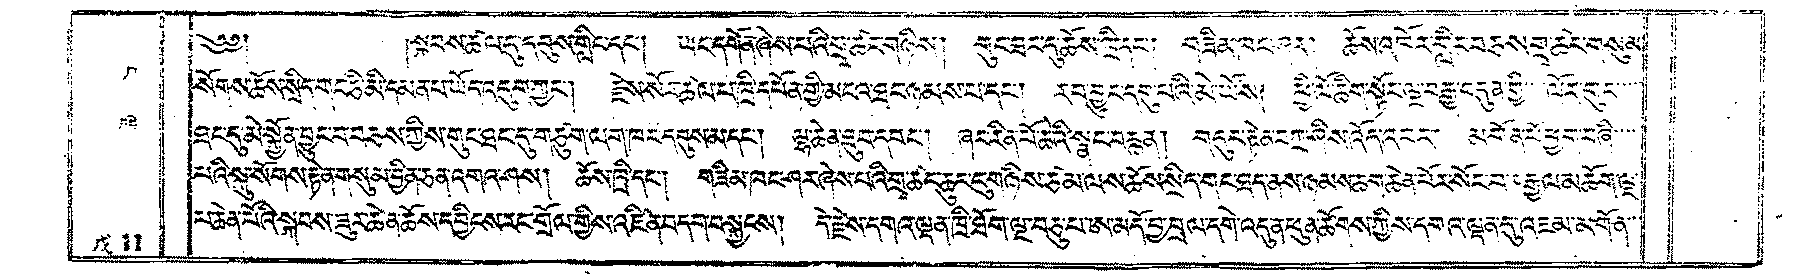༄༅། །སྐབས་ཚལ་དུ་དབུས་གླིང་དང་། ཡང་དགོན་ཞེས་པའི་གྲྭ་ཚང་གཉིས། གུང་ཐང་དུ་ཆོས་ཁྲི་དང་། གཟིམ་ཁང་ཤར། ཆོས་འཁོར་གླིང་བཅས་གྲྭ་ཚང་གསུམ་
སོགས་ཆོས་སྲིད་གང་ཅི་མི་དམན་པ་ཡོད་འདུག་ཀྱང་། རྗེས་སོར་ཚལ་པ་ཁྲི་དཔོན་གྱི་མངའ་ཐང་ཉམས་པ་དང་། རབ་བྱུང་དགུ་པའི་མེ་ཡོས། ཕྱི་ལོ་ཆིག་སྟོང་ལྔ་བརྒྱ་བདུན་གྱི་ལོར་གུང་
ཐང་དུ་མེ་སྐྱོན་བྱུང་བ་བཅས་ཀྱིས་གུང་ཐང་དུ་གཙུག་ལག་ཁང་དབུས་མ་དང་། ལྷ་ཆེན་ཐུབ་དབང་། ཞང་རིན་པོ་ཆེའི་སྣང་བརྙན། གདུང་རྟེན་བཀྲ་ཤིས་འོད་འབར། མགོན་པོ་ཕྱག་བཞི་
པའི་སྐུ་སོགས་རྟེན་གསུམ་བྱིན་ཅན་འགའ་ཤས། ཆོས་ཁྲི་དང་། གཟིམ་ཁང་ཤར་ཞེས་པའི་གྲྭ་ཚང་ཆུང་དུ་གཉིས་ཙམ་ལས་ཆོས་སྲིད་གང་ཐད་ནས་ཉམས་ཆག་ཆེན་པོར་སོང་བ ༧རྒྱལ་མཆོག་ལྔ་
པ་ཆེན་པོའི་སྐབས་ཟུར་ཆེན་ཆོས་དབྱིངས་རང་གྲོལ་གྱིས་འཛིན་བདག་བསྐྱངས། དེ་རྗེས་དགའ་ལྡན་ཁྲི་ཐོག་ལྔ་བཅུ་པ་ཨ་མདོ་བྱ་བྲལ་དགེ་འདུན་ཕུན་ཚོགས་ཀྱིས་དགའ་ལྡན་དུ་འཇམ་མགོན་